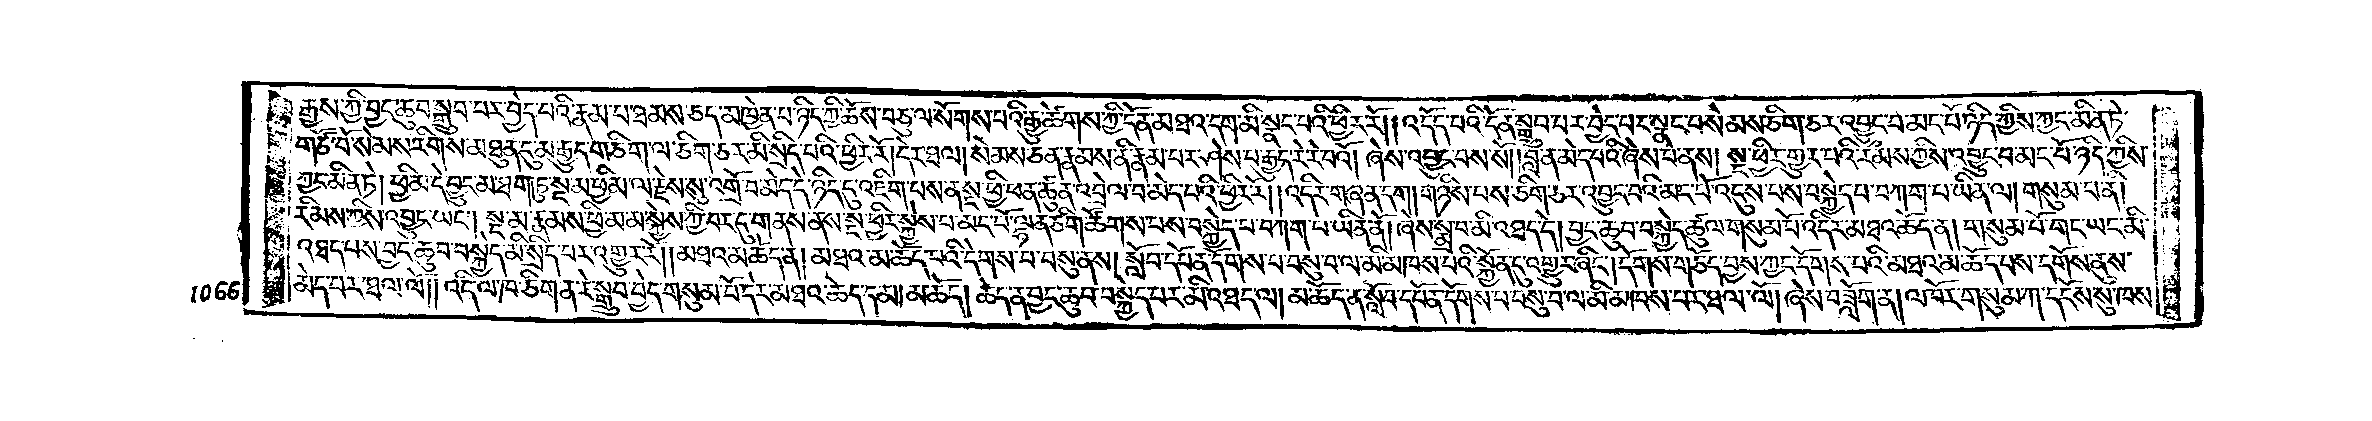རྒྱས་ཀྱི་བྱང་ཆུབ་སྒྲུབ་པར་བྱེད་པའི་རྣམ་པ་ཐམས་ཅད་མཁྱེན་པ་ཉིད་ཀྱི་ཆོས་བཅུ་ལ་སོགས་པའི་རྒྱུ་ཚེགས་ཀྱི་དོན་མཐའ་དག་མི་སྣང་བའི་ཕྱིར་རོ། །འདོད་པའི་དོན་སྒྲུབ་པར་བྱེད་པར་སྣང་བ་སེམས་ཅིག་ཅར་འབྱུང་བ་མང་པོ་ཉིད་ཀྱིས་ཀྱང་མིན་ཏེ་
གཙོ་བོ་སེམས་རིགས་མཐུན་དུ་མ་རྒྱུད་གཅིག་ལ་ཅིག་ཅར་མི་སྲིད་པའི་ཕྱིར་རོ། དེར་ཐལ། སེམས་ཅན་རྣམས་ནི་རྣམ་པར་ཤེས་པ་རྒྱུད་རེ་རེ་བའོ། ཞེས་འབྱུང་བས་སོ། །བླ་ན་མེད་པའི་ཞེས་པ་ནས། སྔ་ཕྱིར་གྱུར་པའི་རིམས་ཀྱིས་འབྱུང་བ་མང་པོ་ཉིད་ཀྱིས་
ཀྱང་མིན་ཏེ། ཕྱི་མ་དེ་བྱུང་མ་ཐག་ཏུ་སྔ་མ་ཕྱི་མ་ལ་རྗེས་སུ་འགྲོ་བ་མེད་དེ་ཉིད་དུ་འཇིག་པས་ན་སྔ་ཕྱི་ཕན་ཚུན་འབྲེལ་བ་མེད་པའི་ཕྱིར་རོ། །འདིར་གཞན་དག །གཉིས་པས་ཅིག་ཅར་འབྱུང་བའི་མང་པོ་འདུས་པས་བསྐྱེད་པ་བཀག་པ་ཡིན་ལ། གསུམ་པ་ནི།
རིམས་ཀྱིས་འབྱུང་ཡང་། སྔ་མ་རྣམས་ཕྱི་མ་མ་སྐྱེས་ཀྱི་བར་དུ་གནས་ནས་སྔ་ཕྱིར་སྐྱེས་པ་མང་པོ་ཁན་ཅིག་ཚོགས་པས་བསྐྱེད་པ་བཀག་པ་ཡིན་ནོ། ཞེས་སྨྲ་བ་མི་འཐད་དེ། བྱང་ཆུབ་བསྐྱེད་ཚུལ་གསུམ་པོ་འདིར་མཐའ་ཆོད་ན། གསུམ་པོ་གང་ཡང་མི་
འཐད་པས་བྱང་ཆུབ་བསྐྱེད་མི་སྲིད་པར་འགྱུར་རོ། །མཐའ་མཆོད་ན། མཐའ་མ་ཆོད་པའི་དེགས་པ་བསུ་ནས། སློབ་དཔོན་དོགས་པ་བསུ་བ་ལ་མི་མཁས་པའི་སྐྱོན་དུ་འགྱུར་ཞིང་། དོགས་གཅོད་བྱས་ཀྱང་དོགས་པའི་མཐའ་མ་ཆོད་པས་དགོས་ནུས་
མེད་པར་ཐལ་ལོ། །འདི་ལ་ཁ་ཅིག་ན་རེ་སྒྲུབ་བྱེད་གསུམ་པོ་དེར་མཐའ་ཆེད་དམ། མ་ཆོད། ཆེད་ན་བྱང་ཆུབ་བསྐྱེད་པར་མི་འཐད་ལ། མ་ཆོད་ན་སློབ་དཔོན་དོགས་པ་བསུ་བ་ལ་མི་མཁས་པར་ཐལ་ལོ། ཞེས་བཟློག་ན། འཁོར་གསུམ་ཀ་དངོས་སུ་ཁས་